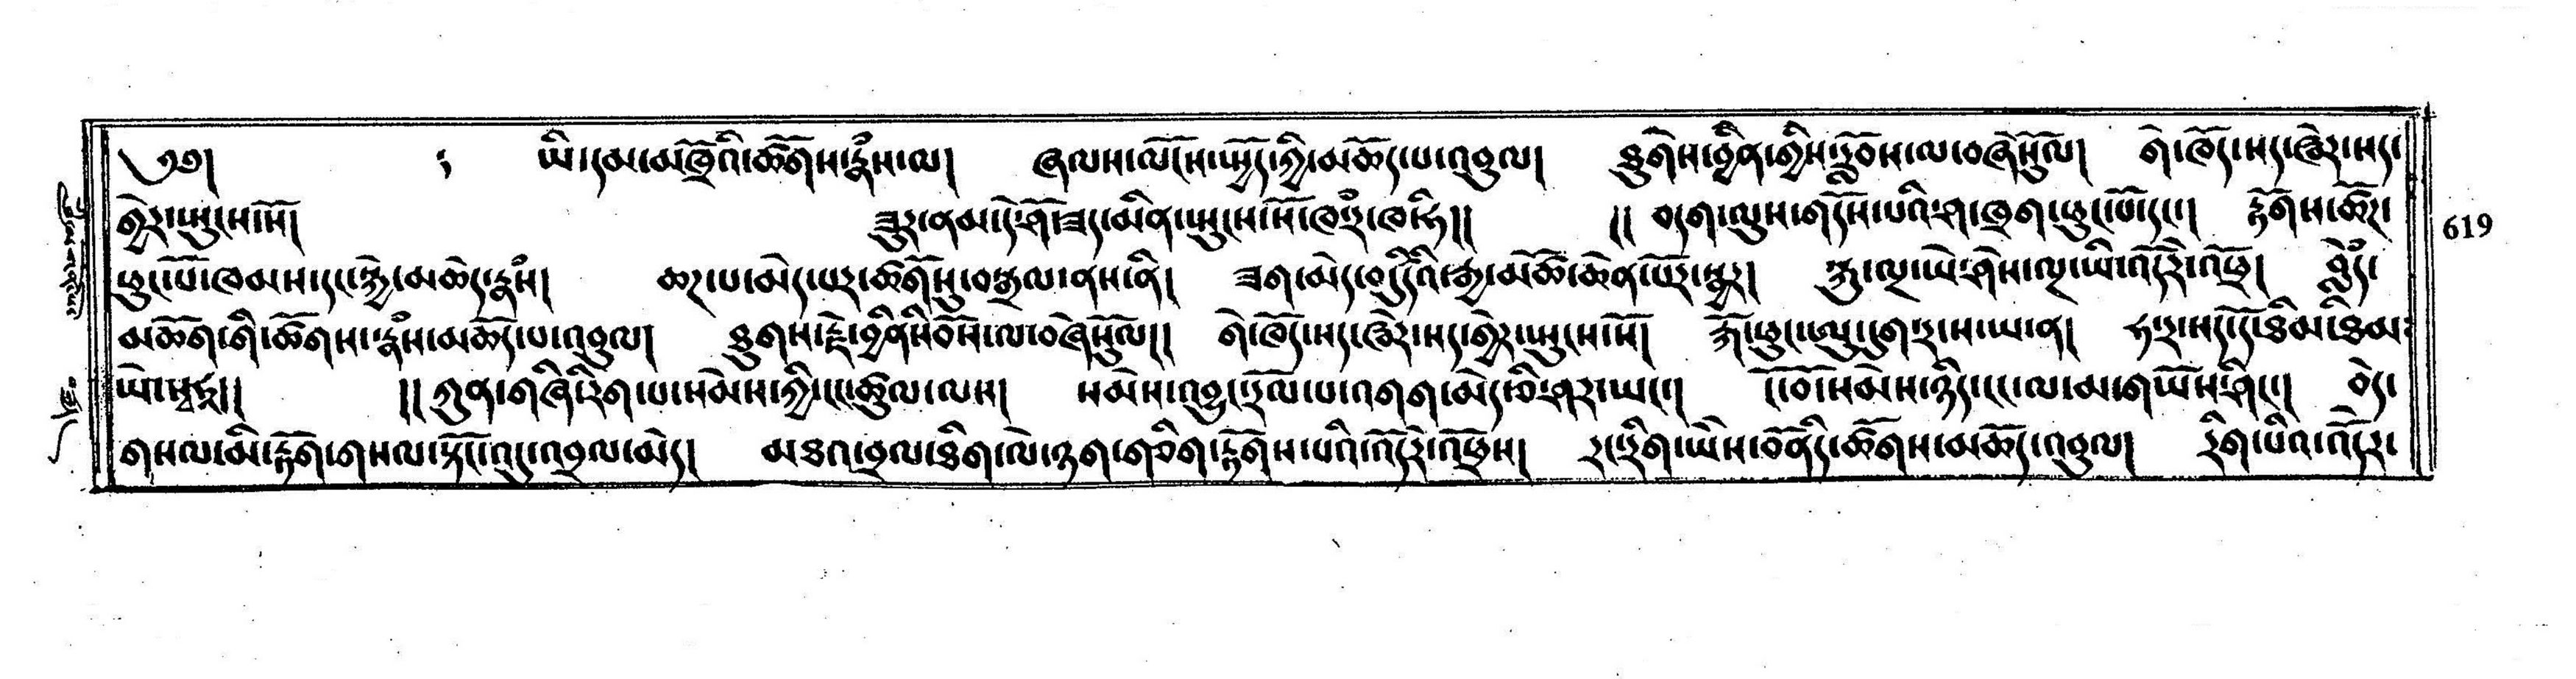ཡི་དམ་མཁའ་འགྲོའི་ཚོགས་རྣམས་ལ། ཞལ་ཟས་ལོངས་སྤྱོད་ཀྱི་མཆོད་པ་འབུལ། ཐུགས་རྗེས་བྱིན་གྱིས་རློབས་ལ་བཞེས་སུ་གསོལ། གེ་ཁོད་སད་ཝེར་སད་
གྱེར་སྤུངས་སོ། ཟུར་ནམ་དེ་ཤོ་ཟད་མིན་སྤུངས་སོ་ཁ་རཾ་ཁ་ཧི།། །།བདག་ལུས་གདོས་པའི་ཤ་ཁྲག་ཕུང་པོ་དང་། རྟོགས་ཚོགས་
ཕུང་པོ་ཁམས་དང་སྐྱེ་མཆེད་རྣམས། ཆགས་པ་མེད་པར་ཚོགས་སུ་བསྒྲལ་ནས་ནི། ཟག་མེད་བདུད་རྩིའི་རྒྱ་མཚོ་ཆེན་པོར་སྦྱར། སྐུ་ལྔ་ཡེ་ཤེས་ལྔ་ཡི་འོད་ཟེར་འཕྲོ། བླ་མེད་
མཆོག་གི་ཚོགས་རྣམས་མཆོད་པ་འབུལ། ཐུགས་རྗེ་བྱིན་གྱིས་རློབས་ལ་བཞེས་སུ་གསོལ།། གེ་ཁོད་སད་ཝེར་སད་གྱེར་སྤུངས་སོ། རྐོ་ཕུང་ཨུ་དུག་ར་ས་ཡ་ན། ཧ་ར་སད་དོ་ཐིམ་ཐིམ་
ཡེ་སྭཧཱ།། །།ཀུན་གཞི་རིག་པ་སེམས་ཀྱི་ངང་ཚུལ་ལས། སེམས་འབྱུང་རོལ་པ་འགག་མེད་ཅི་ཤར་ཡང་། ངོ་བོ་སེམས་ཉིད་ངང་ལ་མ་གཡོས་ཤིང་། བདེ་
གསལ་མི་རྟོག་གསལ་སྟོང་འདུ་འབྲལ་མེད། མཐའ་བྲལ་ཐིག་ལེ་ཉག་གཅིག་རྟོགས་པའི་འོད་ཟེར་འཕྲོས། རང་རིག་ཡེ་ཤེས་བོན་ཉིད་ཚོགས་མཆོད་འབུལ། རིག་པའི་འོད་ཟེར་